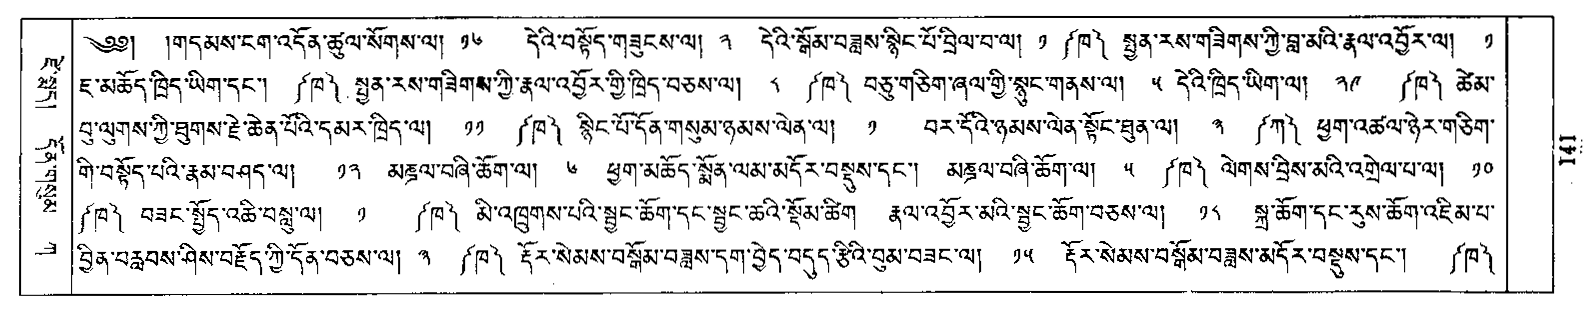༄༅། །གདམས་ངག་འདོན་ཚུལ་སོགས་ལ། ༡༦་དེའི་བསྟོད་གཟུངས་ལ། ༢་དེའི་སྒོམ་བཟླས་སྙིང་པོ་བྲིལ་བ་ལ། ༡་?ཁ་སྤྱན་རས་གཟིགས་ཀྱི་བླ་མའི་རྣལ་འབྱོར་ལ། ༡
ཇ་མཆོད་ཁྲིད་ཡིག་དང་། ?ཁ༼་སྤྱན་རས་གཟིགས་ཀྱི་རྣལ་འབྱོར་གྱི་ཁྲིད་བཅས་ལ། ༨་?ཁ༽ བཅུ་གཅིག་ཞལ་གྱི་སྙུང་གནས་ལ། ༥་དེའི་ཁྲིད་ཡིག་ལ། ༢༩་?ཁ་ཚེམ་
བུ་ལུགས་ཀྱི་ཐུགས་རྗེ་ཆེན་པོའི་དམར་ཁྲིད་ལ། ༡༡་?ཁ༼་སྙིང་པོ་དོན་གསུམ་ཉམས་ལེན་ལ། ༡་བར་དོའི་ཉམས་ལེན་སྟོང་ཐུན་ལ། ༣་?ཀ༽ ཕྱག་འཚལ་ཉེར་གཅིག་
གི་བསྟོད་པའི་རྣམ་བཤད་ལ། ༡༢་མཎྜལ་བཞི་ཆོག་ལ། ༦་ཕྱག་མཆོད་སྨོན་ལམ་མདོར་བསྡུས་དང་། མཎྜལ་བཞི་ཆོག་ལ། ༥་?ཁ་ལེགས་བྲིས་མའི་འགྲེལ་པ་ལ། ༡༠
?ཁ༼་བཟང་སྤྱོད་འཆི་བསླུ་ལ། ༡་?ཁ༽ མི་འཁྲུགས་པའི་སྦྱང་ཆོག་དང་སྦྱང་ཆའི་སྡོམ་ཚིག་རྣལ་འབྱོར་མའི་སྦྱང་ཆོག་བཅས་ལ། ༡༨་སྐྲ་ཆོག་དང་རུས་ཆོག་འཇིམ་པ་
བྱིན་བརླབས་ཤིས་བརྗོད་ཀྱི་དོན་བཅས་ལ། ༣་?ཁ༼་རྡོར་སེམས་བསྒོམ་བཟླས་དག་བྱེད་བདུད་རྩིའི་བུམ་བཟང་ལ། ༡༥་རྡོར་སེམས་བསྒོམ་བཟླས་མདོར་བསྡུས་དང་། ?ཁ༽